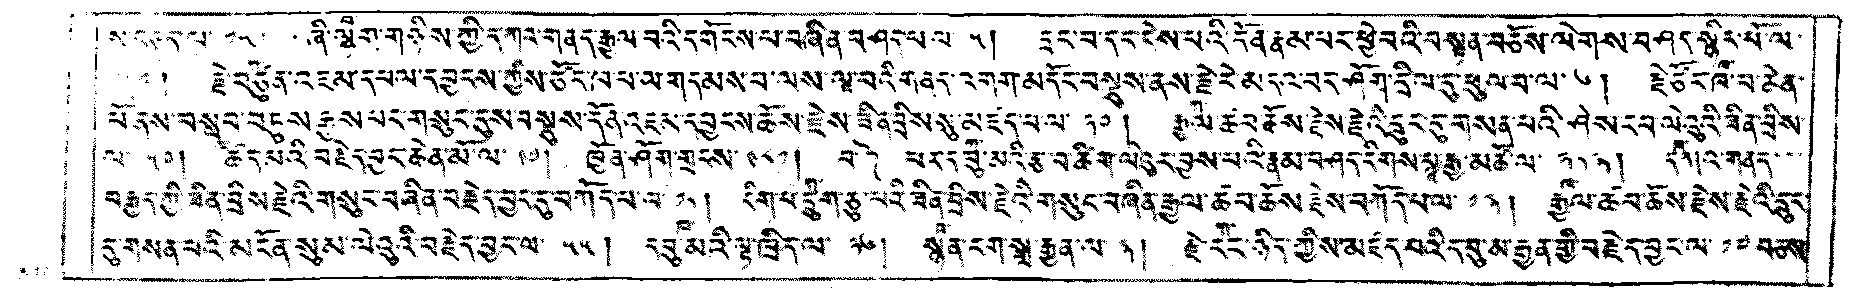ས་བཅད་ལ ༡༥། ཁ་ཞི་ལྷག་གཉིས་ཀྱི་དཀའ་གནད་རྒྱལ་བའི་དགོངས་པ་བཞིན་བཤད་པ་ལ ༥། ཀ་དྲང་བ་དང་ངེས་པའི་དོན་རྣམ་པར་ཕྱེ་བའི་བསྟན་བཅོས་ལེགས་བཤད་སྙིང་པོ་ལ་
༡༡༩། ཀ་རྗེ་བཙུན་འཇམ་དཔལ་དབྱངས་ཀྱིས་ཙོང་ཁ་པ་ལ་གདམས་པ་ལས་ལྟ་བའི་གནད་འགག་མདོར་བསྡུས་ནས་རྗེ་རེ་མདའ་བར་ཤོག་དྲིལ་དུ་ཕུལ་བ་ལ ༦། ཁ་རྗེ་ཙོང་ཁ་པ་ཆེན་
པོ་ནས་བསླབ་བཏུས་རྒྱས་པར་གསུང་དུས་བསྡུས་དོན་འཇམ་དབྱངས་ཆོས་རྗེས་ཟིན་བྲིས་སུ་མཛད་པ་ལ ༢༠། ཀ་རྒྱལ་ཚབ་ཆོས་རྗེས་རྗེའི་དྲུང་དུ་གསན་པའི་ཤེས་རབ་ལེའུའི་ཟིན་བྲིས་
ལ ༥༠། ཁ་ཚད་མའི་བརྗེད་བྱང་ཆེན་མོ་ལ ༤༧། ཁྱོན་ཤོག་གྲངས ༤༨༡། བ}་ཀ་པར་དབུ་མའི་རྩ་བ་ཚིག་ལེའུར་བྱས་པའི་རྣམ་བཤད་རིགས་པའི་རྒྱ་མཚོ་ལ ༢༨༣། ཁ་དགའ་གནད་
བརྒྱད་ཀྱི་ཟིན་བྲིས་རྗེའི་གསུང་བཞིན་བརྗེད་བྱང་དུ་བཀོད་པ་ལ ༡༨། ཀ་རིག་པ་དྲུག་ཅུ་པའི་ཟིན་བྲིས་རྗེའི་གསུང་བཞིན་རྒྱལ་ཚབ་ཆོས་རྗེས་བཀོད་པ་ལ ༡༣། ཁ་རྒྱལ་ཚབ་ཆོས་རྗེས་རྗེའི་དྲུང་
དུ་གསན་པའི་མངོན་སུམ་ལེའུའི་བརྗེད་བྱང་ལ ༥༥། ཁ་དབུ་མའི་ལྟ་ཁྲིད་ལ ༢༦། ཁ་སྙན་ངག་སྒྲ་རྒྱན་ལ ༣། ཀ་རྗེ་རང་ཉིད་ཀྱིས་མཛད་པའི་དབུ་མ་རྒྱན་གྱི་བརྗེད་བྱང་ལ ༡༧་བཅས་